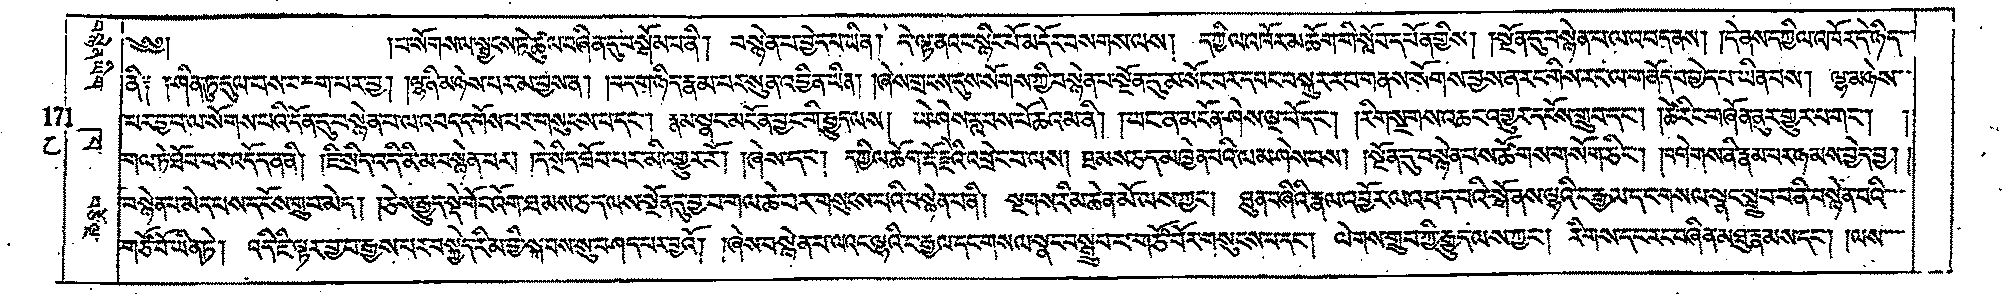༄༅། །པ་སོགས་ལ་སྦྱངས་ཏེ་ཚུལ་བཞིན་དུ་བསྒོམ་པ་ནི། བསྙེན་པ་བྱེད་པ་ཡིན། དེ་ལྟ་ནའང་སྙིང་པོ་མདོར་བསགས་ལས། དཀྱིལ་འཁོར་མཆོག་གི་སློབ་དཔོན་གྱིས། །སྔོན་དུ་བསྙེན་པ་ལ་འབད་ནས། །དེ་ནས་དཀྱིལ་འཁོར་དེ་ཉིད་་་
ནི༑ ༑ཤིན་ཏུ་དུལ་བས་བརྟག་པར་བྱ། །ལྷ་ནི་མཉེས་པར་མ་བྱས་ན། །བདག་ཉིད་རྣམ་པར་སུན་འབྱིན་ཡིན། །ཞེས་གྲངས་དུས་སོགས་ཀྱི་བསྙེན་པ་སྔོན་དུ་མ་སོང་བར་དབང་བསྐུར་རབ་གནས་སོགས་བྱས་ན་རང་གིས་རང་ལ་གནོད་པ་བྱེད་པ་ཡིན་པས། ལྷ་མཉེས་་་
པར་བྱ་བ་ལ་སོགས་པའི་དོན་དུ་བསྙེན་པ་ལ་འབད་དགོས་པར་གསུངས་པ་དང་། རྣམ་སྣང་མངོན་བྱང་གི་རྒྱུད་ལས། ཡེ་ཤེས་རླབས་པོ་ཆེའམ་ནི། །ཡང་ན་མངོན་ཤེས་ལྔ་པོ་དང་། །རིག་སྔགས་འཆང་འགྱུར་དངོས་གྲུབ་དང་། །ཚེ་རིང་གཞོན་ནུར་གྱུར་པ་གང་། །
གལ་ཏེ་ཐོབ་པར་འདོད་ན་ནི། །ཇི་སྲིད་འདི་ནི་མ་བསྙེན་པར། །དེ་སྲིད་ཐོབ་པར་མི་འགྱུར་རོ། །ཞེས་དང་། དཀྱིལ་ཆོག་རྡོ་རྗེའི་འཕྲེང་བ་ལས། ཐམས་ཅད་མཁྱེན་པའི་ལམ་ཤེས་པས། །སྔོན་དུ་བསྙེན་པས་ཚོགས་གསོག་ཅིང་། །བགེགས་ནི་རྣམ་པར་ཉམས་བྱེད་བྱ། །
བསྙེན་པ་མེད་པས་དངོས་གྲུབ་མེད། །ཅེས་རྒྱུད་སྡེ་གོང་འོག་ཐམས་ཅད་ལས་སྔོན་དུ་བྱ་བ་གལ་ཆེ་བར་གསུངས་པའི་བསྙེན་པ་ནི། སྔགས་རིམ་ཆེན་མོ་ལས་ཀྱང་། ཐུན་བཞིའི་རྣལ་འབྱོར་ལ་འབད་པའི་སྒོ་ནས་ལྷའི་ང་རྒྱལ་དང་གསལ་སྣང་སྒྲུབ་པ་ནི་བསྙེན་པའི་་་
གཙོ་བོ་ཡིན་ཏེ། འདི་ཇི་ལྟར་བྱ་བ་རྒྱས་པར་བསྐྱེད་རིམ་གྱི་སྐབས་སུ་བཤད་པར་བྱའོ། །ཞེས་བསྙེན་པ་ལའང་ལྷའི་ང་རྒྱལ་དང་གསལ་སྣང་བསྒྲུབ་པ་གཙོ་བོར་གསུངས་པ་དང་། ལེགས་གྲུབ་ཀྱི་རྒྱུད་ལས་ཀྱང་། རིགས་དང་རང་བཞིན་མཐུ་རྣམས་དང་། །ལས་་་